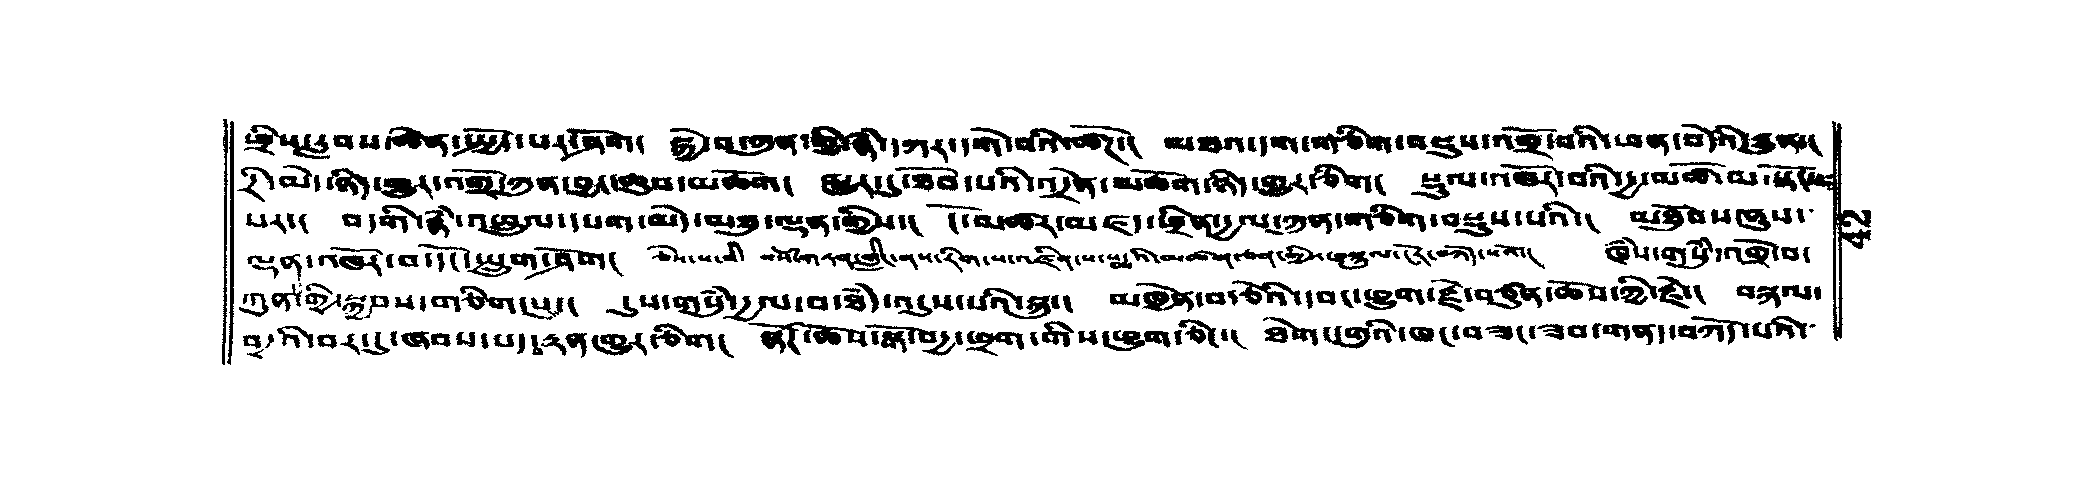ཕྲིན་ལས་རླབས་ཆེན་སྤྱོད་པར་ཤོག །སྐྱེ་བ་ཀུན་གྱི་རྣམ་དཀར་དགེ་བའི་ཚོགས། །མཐའ་དག་གཅིག་བསྡུས་འགྲོ་བའི་ཕན་བདེའི་རྒྱུན། །
དྲི་མེད་ཉིད་གྱུར་འགྲོ་ཀུན་བྱང་ཆུབ་མཆོག།མྱུར་དུ་ཐོབ་པའི་འདྲེན་མཆོག་ཉིད་གྱུར་ཅིག །སྡུག་བསྔལ་འཁོར་བའི་རྒྱ་མཚོ་མ་སྟོངས་
པར། །བདག་གི་རྣམ་འཕྲུལ་དཔག་མེད་མཐུ་ལྡན་གྱིས། །ངོ་མཚར་མཛད་ཕྲིན་རྒྱལ་ཀུན་གཅིག་བསྡུས་པའི། །མཐུ་སྟོབས་ནུས་
ལྡན་འཁོར་བ་དོང་སྤྲུགས་ཤོག ཅེས་པ་ནི་བསམ་གཏན་གླིང་ནས་རིག་པ་འཛིན་པ་པདྨའི་མཚན་ཅན་གྱིས་བསྐུལ་ངོར་བཀོད་པའོ།། ཁམས་གསུམ་འགྲོ་བ་
ཀུན་གྱི་སྐྱབས་གཅིག་པུ། །དུས་གསུམ་རྒྱལ་བ་ཐམས་ཅད་འདུས་པའི་སྐུ། །མཁྱེན་བརྩེའི་དབང་ཕྱུག་རྗེ་བཙུན་ཆོས་ཀྱི་རྗེ། །བསྐལ་
བརྒྱའི་བར་དུ་ཞབས་པད་བརྟན་གྱུར་ཅིག །སྣ་ཚོགས་ཆོས་སྒོ་བརྒྱ་ཕྲག་གིས་ཕྱུག་ཅིང་། །ཐེག་དགུའི་ཁང་བཟང་ཟབ་གནད་བཀོད་པའི་